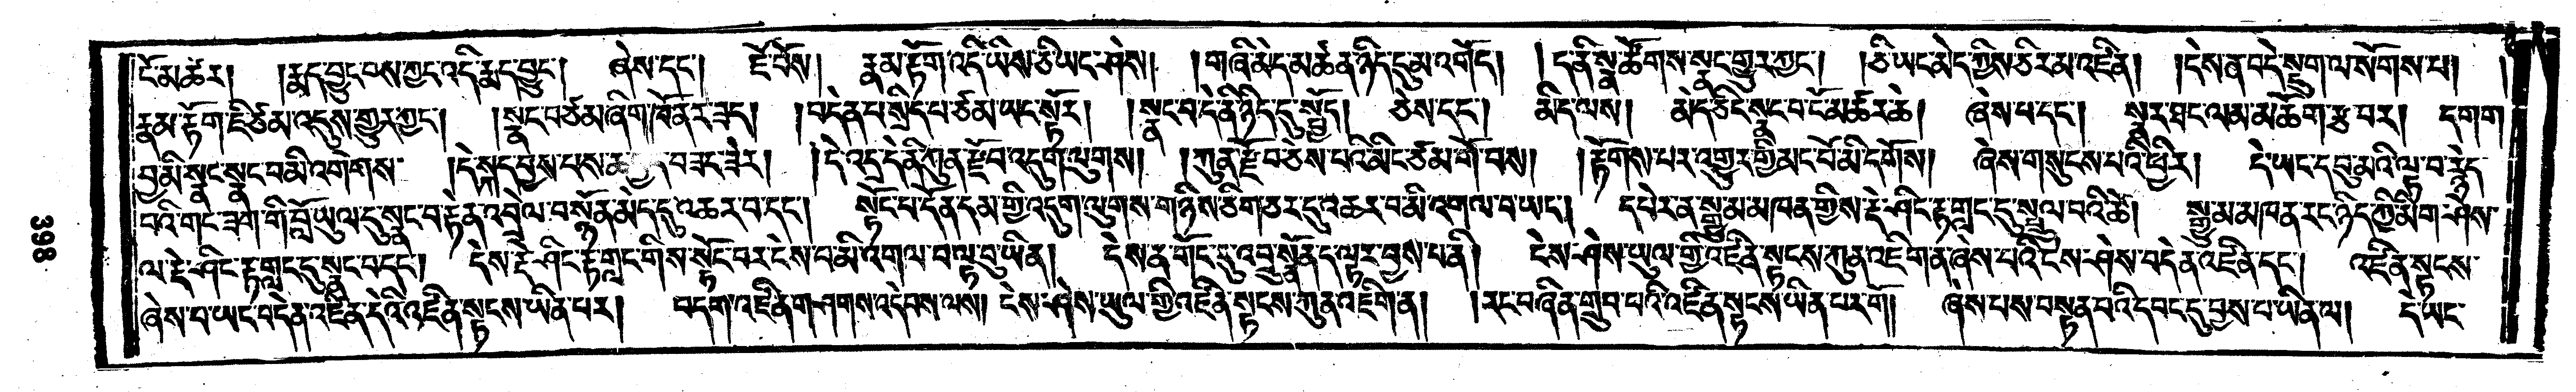ངོ་མཚར། །རྨད་བྱུང་བས་ཀྱང་འདི་རྨད་བྱུང་། ཞེས་དང་། ཇོ་བོས། རྣམ་རྟོག་འདི་ཡིས་ཅི་ཡང་ཤེས། །གཞི་མེད་མཚན་ཉིད་དུ་མ་འགོད། །ད་ནི་སྣ་ཚོགས་སྣང་གྱུར་ཀྱང་། །ཅི་ཡང་མེད་ཀྱིས་ཅིར་མ་འཛིན། །དེས་ན་བདེ་སྡུག་ལ་སོགས་པ། །
རྣམ་རྟོག་ཇི་ཙམ་དུ་འདུས་གྱུར་ཀྱང་། །སྣང་བ་ཙམ་ཞིག་ཁོ་ནར་ཟད། །བདེན་པ་སྲིད་པ་ཙམ་ཡང་སྟོར། །སང་བ་དེ་ནི་ཉིད་དུ་སྤྱོད། །ཅེས་དང་། མིད་ལས། མེད་ཅིང་སྣང་བ་ངོ་མཚར་ཆེ། །ཞེས་པ་དང་། སྣང་ཐང་ལམ་མཆོག་རྩ་བར། དགག་
བྱ་མི་སྣང་སྣང་བ་མི་འགེགས། །དེ་སྐད་བྱས་པས་ཆ་བྱད་བཟང་ཟེར། །དེ་འདྲ་དེ་ནི་ཀུན་རྫོབ་འདུག་ལུགས། །ཀུན་རྫོབ་ཅེས་པའི་མིང་ཙམ་གོ་བ། །རྟོགས་པར་འགྱུར་གྱི་མང་པོ་མི་དགོས། ཞེས་གསུངས་པའི་ཕྱིར། དེ་ཡང་དབུ་མའི་ལྟ་བ་རྙེད་
བའི་གང་ཟག་གི་བློ་ཡུལ་དུ་སྣང་བ་རྟེན་འབྲེལ་བསྙོན་མེད་དུ་འཆར་བ་དང་། སྟོང་པ་དོན་དམ་གྱི་འདུག་ལུགས་གཉིས་ཅིག་ཅར་དུ་འཆར་བ་མི་འགལ་བ་ཡང་། དཔེར་ན་སྒྱུ་མ་མཁན་གྱིས་རྡེ་ཤིང་རྟ་གླང་དུ་སྤྲུལ་པའི་ཚེ། སྒྱུ་མ་མཁན་རང་ཉིད་ཀྱི་མིག་ཤེས་
ལ་རྡེ་ཤིང་རྟ་གླང་དུ་སྣང་བ་དང་། དེས་རྡེ་ཤིང་རྟ་གླང་གིས་སྟོང་པར་ངེས་པ་མི་འགལ་བ་ལྟ་བུ་ཡིན། དེས་ན་གོང་དུ་འབྲུ་སྣོན་ད་ལྟར་བྱས་པ་ནི། ངེས་ཤེས་ཡུལ་གྱི་འཛིན་སྟངས་ཀུན་འཇིག་ན་ཞེས་པའི་ངེས་ཤེས་བདེན་འཛིན་དང་། འཛིན་སྟངས་
ཞེས་པ་ཡང་བདེན་འཛིན་དེའི་འཛིན་སྟངས་ཡིན་པར། བདག་འཛིན་གཤགས་འདེབས་ལས། ངེས་ཤེས་ཡུལ་གྱི་འཛིན་སྟངས་ཀུན་འཇིག་ན། །རང་བཞིན་གྲུབ་པའི་འཛིན་སྟངས་ཡིན་པར་གོ། ཞེས་པས་བསྟན་པའི་དབང་དུ་བྱས་པ་ཡིན་ལ། དེ་ཡང་